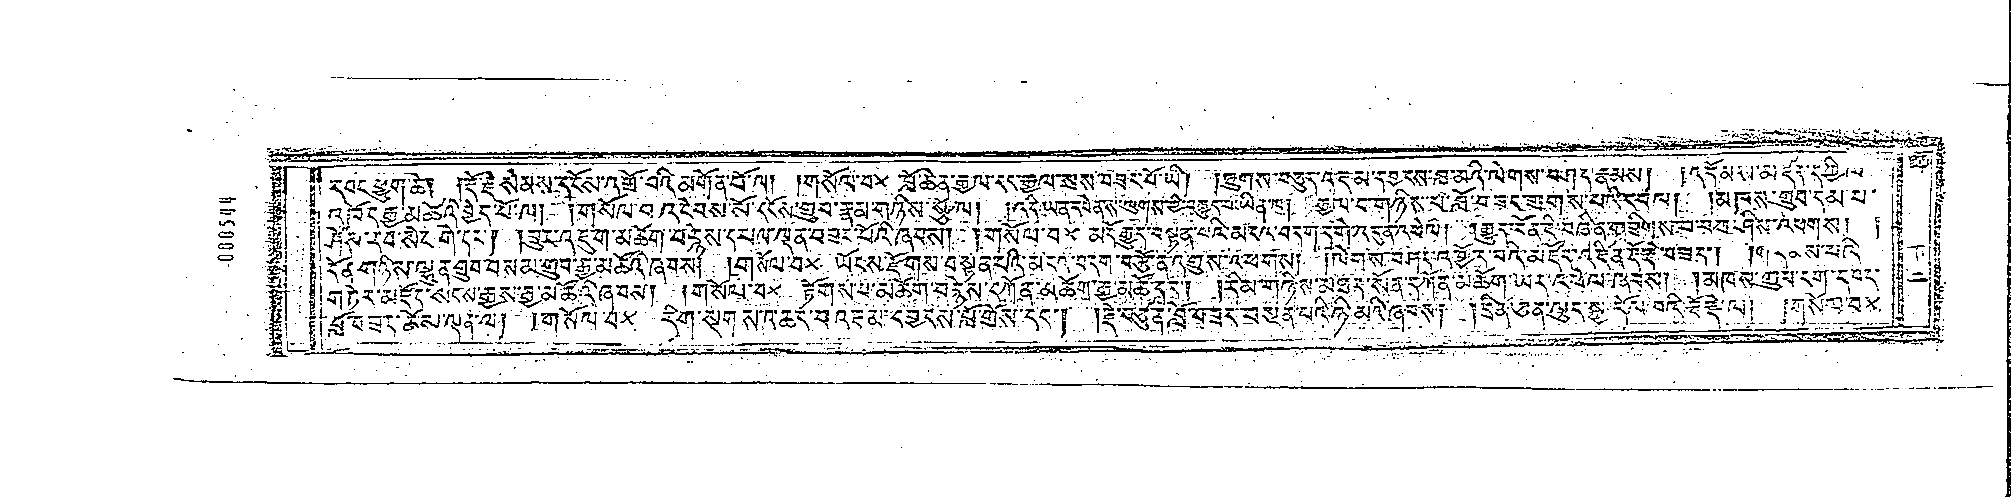དབང་ཕྱུག་ཆེ། །རྡོ་རྗེ་སེམས་དངོས་འགྲོ་བའི་མགོན་པོ་ལ། །གསོལ་བ་྾་བློ་ཆེན་རྒྱལ་ངང་རྒྱལ་སྲས་བཟང་པོ་ཡི། །ཐུགས་བཅུད་འཇམ་དབྱངས་བླ་མའི་ལེགས་བཤད་རྣམས། །འདོམས་མཛད་དཀྱིལ་
འཁོར་རྒྱ་མཚོའི་བྱེད་པོ་ལ། །གསོལ་བ་འདེབས་སོ་དངོས་གྲུབ་རྣམ་གཉིས་སྩོལ། །འདི་ཡན་དཔེན་ས་ལུགས་ཀྱི་བརྒྱུད་པ་ཡིན་ལ། རྒྱལ་བ་གཉིས་པ་བློ་བཟང་གྲགས་པའི་དཔལ། །མཁས་གྲུབ་དམ་པ་
ཤེས་རབ་སེང་གེ་དང་། །ཟུང་འཇུག་མཆོག་བརྙེས་དཔལ་ལྡན་བཟང་པོའི་ཞབས། །གསོལ་བ་྾་མདོ་རྒྱུད་བསྟན་པའི་མངའ་བདག་དགེ་འདུན་འཕེལ། །རྒྱུད་དོན་ཇི་བཞིན་གཟིགས་པ་བཀྲ་ཤིས་འཕགས། །
དོན་གཉིས་ལྷུན་གྲུབ་བསམ་གྲུབ་རྒྱ་མཚོའི་ཞབས། །གསོལ་བ་྾་ཡོངས་རྫོགས་བསྟན་པའི་མངའ་བདག་བརྩོན་འགྲུས་འཕགས། །ལེགས་བཤད་འབྱོར་པའི་མཛོད་འཛིན་རྡོ་རྗེ་བཟང་། །གདམས་པའི་
གཏེར་མཛོད་སངས་རྒྱས་རྒྱ་མཚོའི་ཞབས། །གསོལ་བ་྾་རྟོགས་པ་མཆོག་བརྙེས་དཀོན་མཆོག་རྒྱ་མཚོ་དང་། །རིམ་གཉིས་མཐར་སོན་དཀོན་མཆོག་ཡར་འཕེལ་ཞབས། །མཁས་གྲུབ་ངག་དབང་
བློ་བཟང་ཆོས་ལྡན་ལ། །གསོལ་བ་྾་རིག་སྔགས་འཆང་བ་འཇམ་དཔྱངས་བློ་གྲོས་དང་། །རྗེ་བཙུན་བློ་བཟང་བསྡན་པའི་ཉི་མའི་ཞབས། །དྲིན་ཅན་ལྕང་སྐྱ་རོལ་བའི་རྡོ་རྗེ་ལ། །གསོལ་བ་྾་